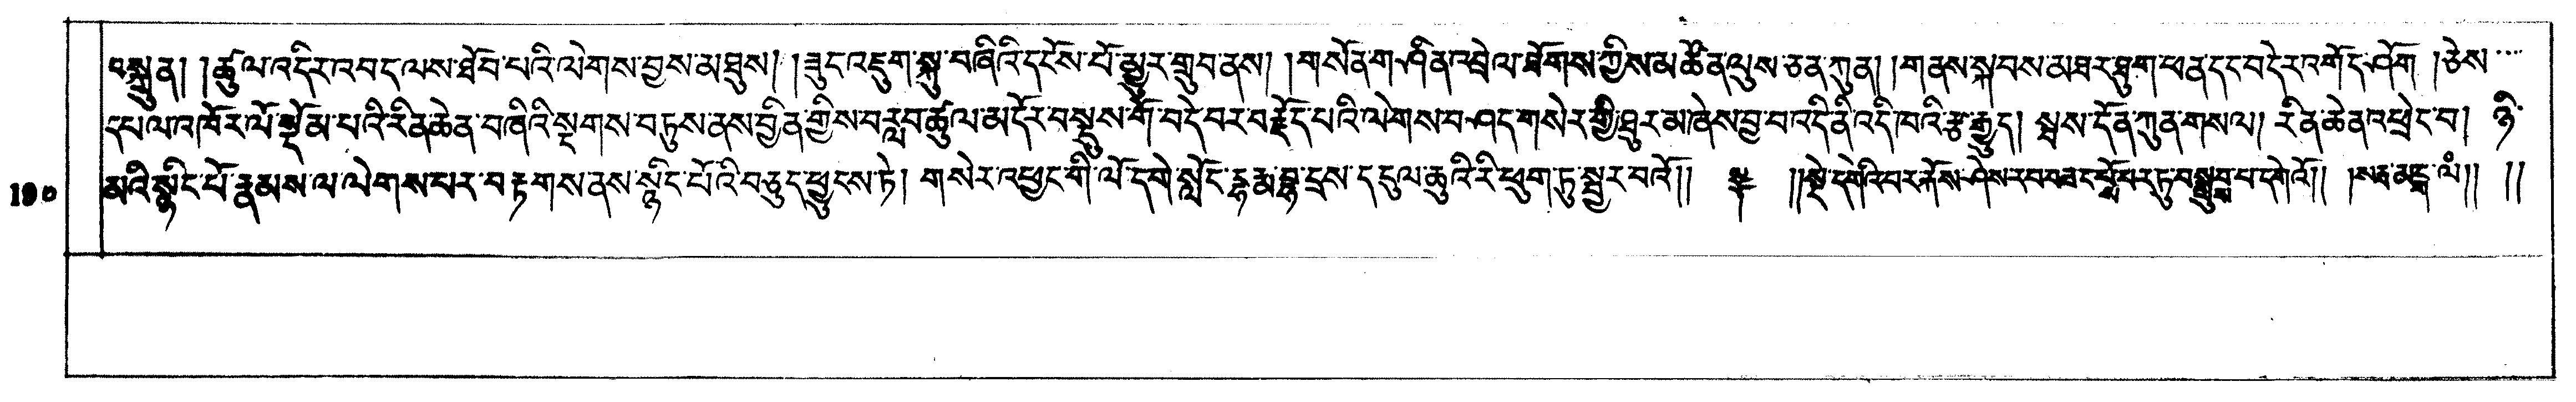བསྐྲུན། །ཚུལ་འདིར་འབད་ལས་ཐོབ་པའི་ལེགས་བྱས་མཐུས། །ཟུང་འཇུག་སྐུ་བཞིའི་དངོས་པོ་མྱུར་གྲུབ་ནས། །གསོན་གཤིན་འབྲེལ་ཐོགས་ཀྱིས་མཚོན་ལུས་ཅན་ཀུན། །གནས་སྐབས་མཐར་ཐུག་ཕན་དང་བདེར་འགོད་ཤོག །ཅེས་
དཔལ་འཁོར་ལོ་སྡོམ་པའི་རིན་ཆེན་བཞིའི་སྔགས་བཏུས་ནས་བྱིན་གྱིས་བརླབ་ཚུལ་མདོར་བསྡུས་གོ་བདེ་བར་བརྗོད་པའི་ལེགས་བཤད་གསེར་གྱི་ཐུར་མ་ཞེས་བྱ་བ་འདི་ནི་འདི་ཁའི་རྩ་རྒྱུད། སྦས་དོན་ཀུན་གསལ། རིན་ཆེན་འཕྲེང་བ། ཉི་
མའི་སྙིང་པོ་རྣམས་ལ་ལེགས་པར་བརྟགས་ནས་སྙིང་པོའི་བཅུད་ཕྱུངས་ཏེ། གསེར་འཕྱང་གི་ལོ་དགེ་སློང་དྷརྨ་བྷ་དྲས་དངུལ་ཆུའི་རི་ཕུག་ཏུ་སྦྱར་བའོ།། ༈ །།སྡེ་དགེའི་བར་རྐོས་ཤེས་རབ་བཟང་པོས་བར་ཏུ་བསྒྲུབས་པ་དགེའོ།། །སརྦ་མངྒ་ལཾ།། །།